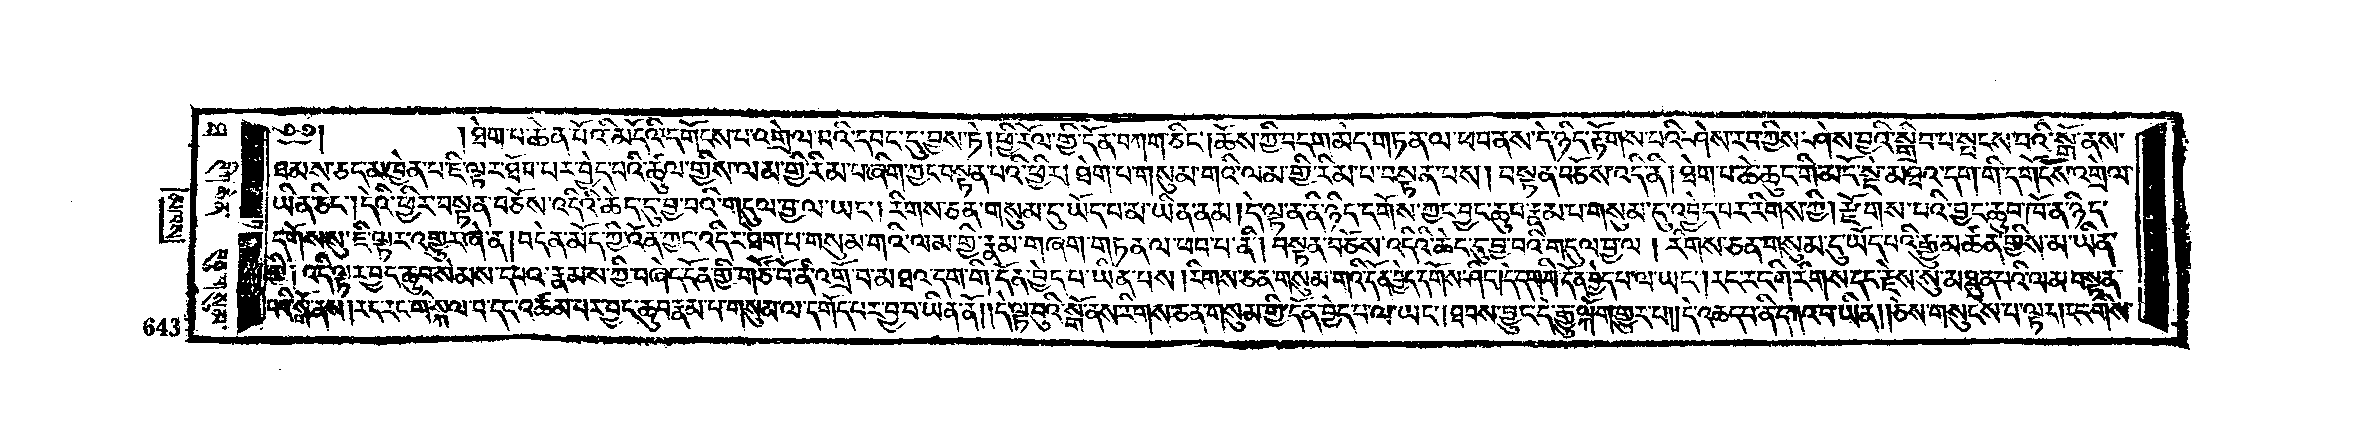༄༅། །ཐེག་པ་ཆེན་པོའི་མདོའི་དགོངས་པ་འགྲེལ་བའི་དབང་དུ་བྱས་ཏེ། ཕྱི་རོལ་གྱི་དོན་བཀག་ཅིང་། ཆོས་ཀྱི་བདག་མེད་གཏན་ལ་ཕབ་ནས་དེ་ཉིད་རྟོགས་པའི་ཤེས་རབ་ཀྱིས་ཤེས་བྱའི་སྒྲིབ་པ་སྤངས་པའི་སྒོ་ནས་
ཐམས་ཅད་མཁྱེན་པ་ཇི་ལྟར་ཐོབ་པར་བྱེད་པའི་ཚུལ་གྱིས་ལམ་གྱི་རིམ་པ་ཞིག་ཀྱང་བསྟན་པའི་ཕྱིར། ཐེག་པ་གསུམ་གའི་ལམ་གྱི་རིམ་པ་བསྟན་པས། བསྟན་བཅོས་འདི་ནི། ཐེག་པ་ཆེ་ཆུང་གི་མདོ་སྡེ་མཐའ་དག་གི་དགོངས་འགྲེལ་
ཡིན་ཅིང་། དེའི་ཕྱིར་བསྟན་བཅོས་འདིའི་ཆེད་དུ་བྱ་བའི་གདུལ་བྱ་ལ་ཡང་། རིགས་ཅན་གསུམ་དུ་ཡོད་པ་མ་ཡིན་ནམ། དེ་ལྟ་ན་ནི་ཉིད་དགོས་ཀྱང་བྱང་ཆུབ་རྣམ་པ་གསུམ་དུ་འབྱེད་པར་རིགས་ཀྱི། རྫོགས་པའི་བྱང་ཆུབ་ཁོ་ན་ཉིད་
དགོས་སུ་ཇི་ལྟར་འགྱུར་ཞེ་ན། བདེན་མོད་ཀྱི་འོན་ཀྱང་འདིར་ཐེག་པ་གསུམ་གའི་ལམ་གྱི་རྣམ་གཞག་གཏན་ལ་ཕབ་པ་ནི། བསྟན་བཅོས་འདིའི་ཆེད་དུ་བྱ་བའི་གདུལ་བྱ་ལ། རིགས་ཅན་གསུམ་དུ་ཡོད་པའི་རྒྱུ་མཚན་གྱིས་མ་ཡིན་
གྱི༑ འདི་ལྟར་བྱང་ཆུབ་སེམས་དཔའ་རྣམས་ཀྱི་བཞེད་དོན་གྱི་གཙོ་བོ་ནི་འགྲོ་བ་མཐའ་དག་གི་དོན་བྱེད་པ་ཡིན་པས། རིགས་ཅན་གསུམ་གའི་དོན་བྱེད་དགོས་ཤིང་། དེ་དག་གི་དོན་བྱེད་པ་ལ་ཡང་། རང་རང་གི་རིགས་དང་རྗེས་སུ་མཐུན་པའི་ལམ་བསྟན་
པའི་སྒོ་ནས། རང་རང་གི་སྐལ་བ་དང་འཚམ་པར་བྱང་ཆུབ་རྣམ་པ་གསུམ་ལ་དགོད་པར་བྱ་བ་ཡིན་ནོ། །དེ་ལྟ་བུའི་སྒོ་ནས་རིགས་ཅན་གསུམ་གྱི་དོན་བྱེད་པ་ལ་ཡང་། ཐབས་བྱུང་དེ་རྒྱུ་ལྐོག་གྱུར་པ། །དེ་འཆད་པ་ནི་དཀའ་བ་ཡིན། །ཅེས་གསུངས་པ་ལྟར། རང་གིས་